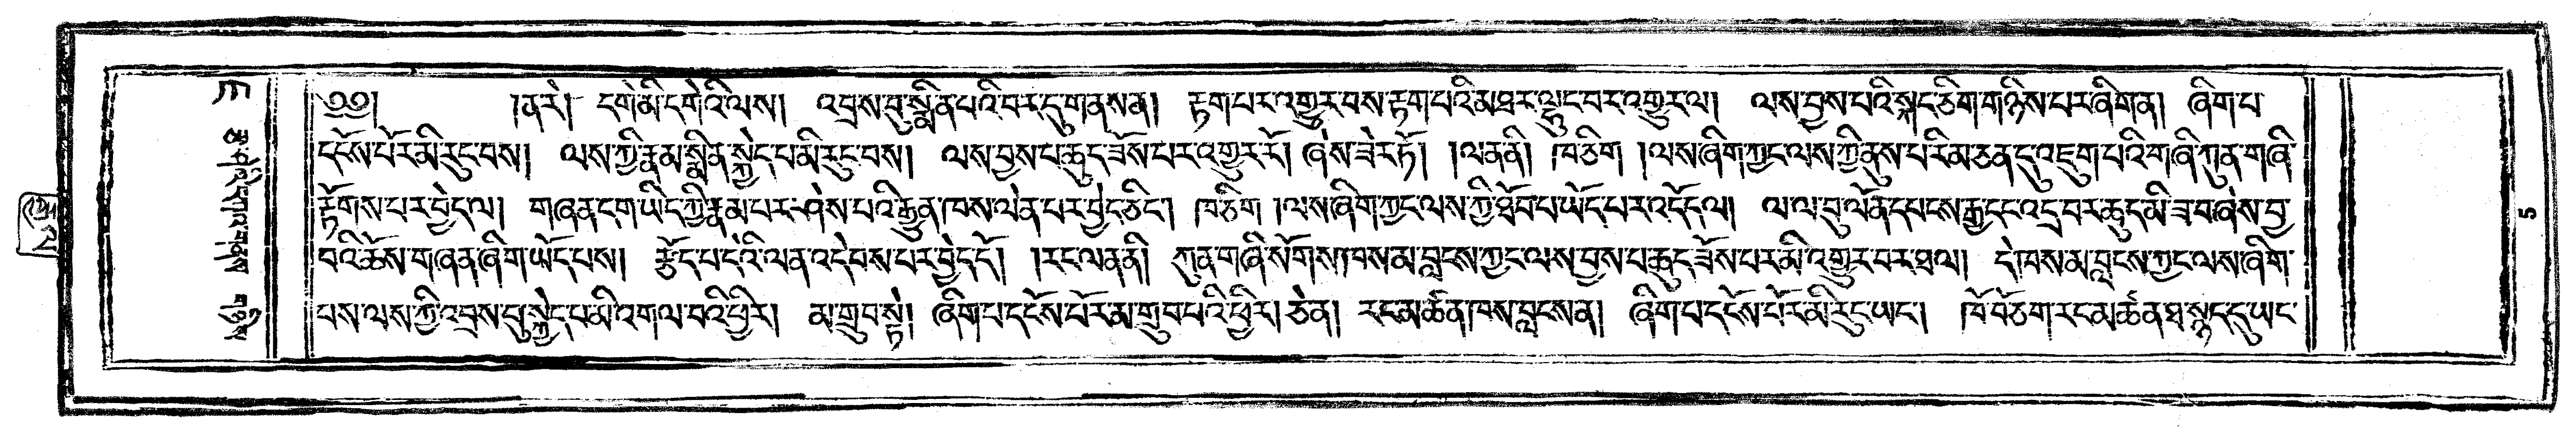༄༅། །ན་རེ། དགེ་མི་དགེའི་ལས། འབྲས་བུ་སྨིན་པའི་བར་དུ་གནས་ན། རྟག་པར་འགྱུར་བས་རྟག་པའི་མཐར་ལྷུང་བར་འགྱུར་ལ། ལས་བྱས་པའི་སྐད་ཅིག་གཉིས་པར་ཞིག་ན། ཞིག་པ་
དངོས་པོར་མི་རུང་བས། ལས་ཀྱི་རྣམ་སྨིན་སྐྱེད་པ་མི་རུང་བས། ལས་བྱས་པ་ཆུད་ཟོས་པར་འགྱུར་རོ། ཞེས་ཟེར་ཏོ། །ལན་ནི། ཁ་ཅིག །ལས་ཞིག་ཀྱང་ལས་ཀྱི་ནུས་པ་རིམ་ཅན་དུ་འཇུག་པའི་གཞི་ཀུན་གཞི་
རྟོགས་པར་བྱེད་ལ། གཞན་དག་ཡིད་ཀྱི་རྣམ་པར་ཤེས་པའི་རྒྱུན་ཁས་ལེན་པར་བྱེད་ཅིང་། ཁ་ཅིག །ལས་ཞིག་ཀྱང་ལས་ཀྱི་ཐོབ་པ་ཡོད་པར་འདོད་ལ། ལ་ལ་བུ་ལོན་དཔངས་རྒྱ་དང་འདྲ་བར་ཆུད་མི་ཟ་བ་ཞེས་བྱ་
བའི་ཆོས་གཞན་ཞིག་ཡོད་པས། རྩོད་པ་དེའི་ལན་འདེབས་པར་བྱེད་དོ། །རང་ལན་ནི། ཀུན་གཞི་སོགས་ཁས་མ་བླངས་ཀྱང་ལས་བྱས་པ་ཆུད་ཟོས་པར་མི་འགྱུར་བར་ཐལ། དེ་ཁས་མ་བླངས་ཀྱང་ལས་ཞིག་
པས་ལས་ཀྱི་འབྲས་བུ་སྐྱེད་པ་མི་འགལ་བའི་ཕྱིར། མ་གྲུབ་སྟེ། ཞིག་པ་དངོས་པོར་མ་གྲུབ་པའི་ཕྱིར། ཅེ་ན། རང་མཚན་ཁས་བླངས་ན། ཞིག་པ་དངོས་པོར་མི་རུང་ཡང་། ཁོ་བོ་ཅག་རང་མཚན་ཐ་སྙད་དུ་ཡང་